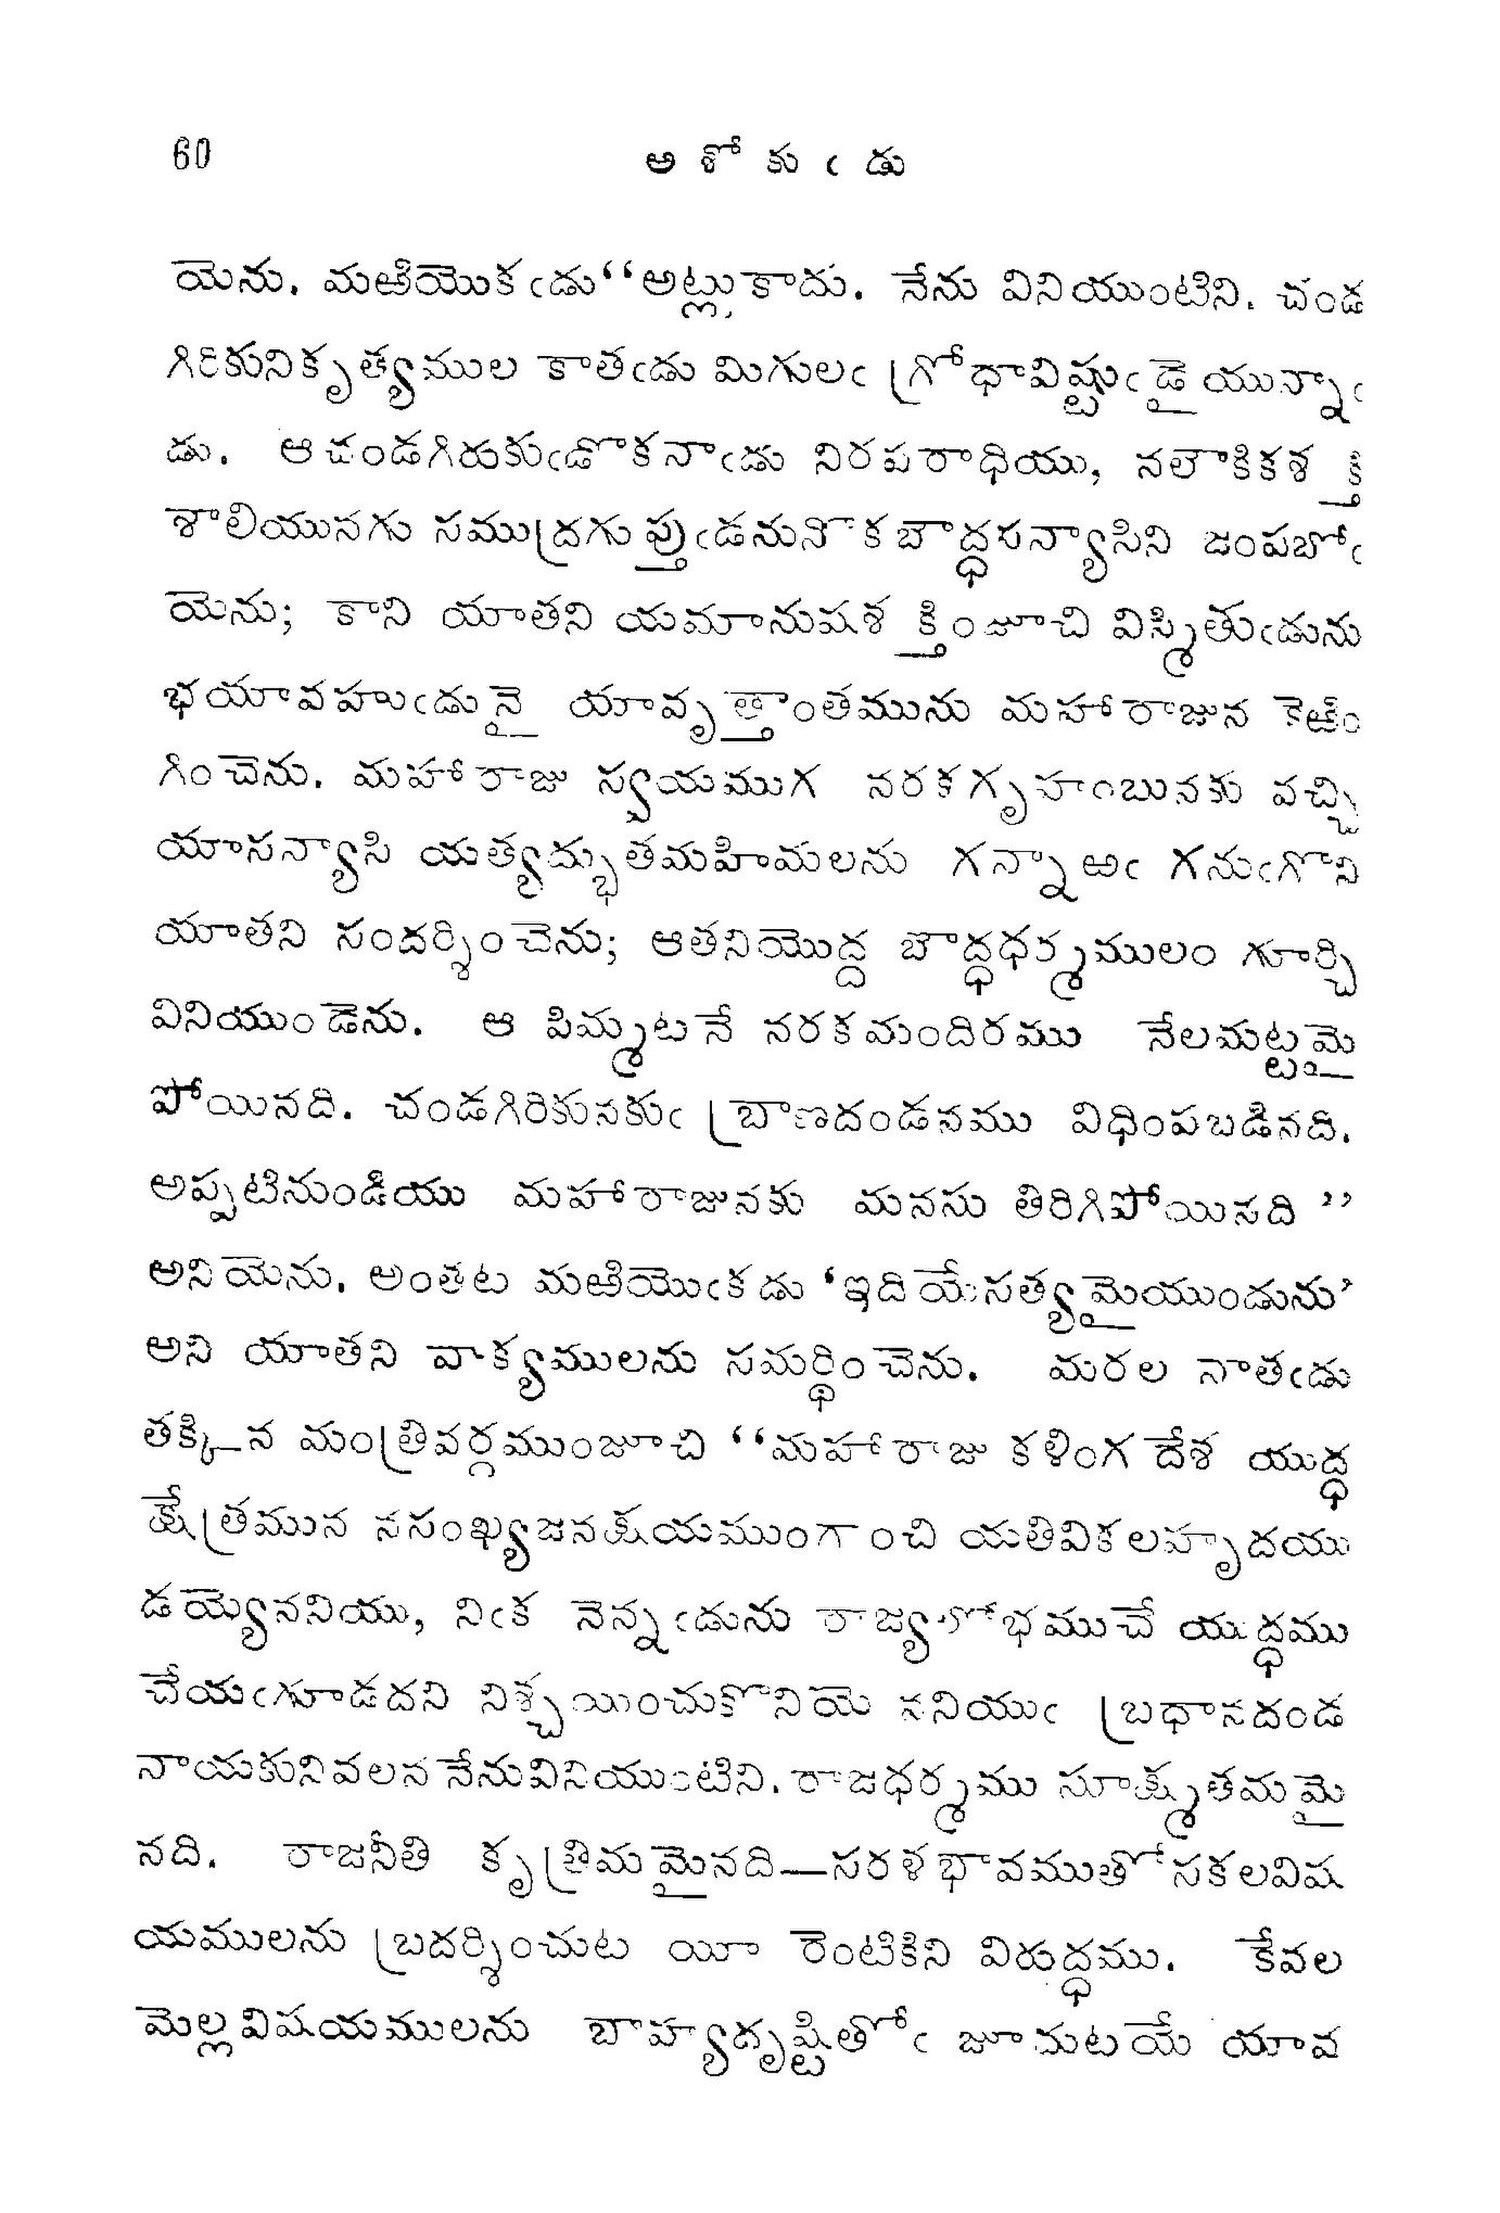యెను. మఱియొకఁడు “ అట్లు కాదు. నేను వినియుంటిని. చండగిరికునికృత్యముల కాతఁడు మిగులఁ గ్రోధావిష్టుఁ డై యున్నాఁడు. ఆ చండగిరుకుఁడొకనాఁడు నిరపరాధియు, నలౌకికశక్తి శాలియునగు సముద్రగుప్తుఁడనునొక బౌద్ధసన్యాసిని జంపబోయెను; కాని యాతని యమానుషశక్తిం జూచి విస్మితుఁడును భయావహుఁడునై యావృత్తాంతమును మహా రాజున కెఱింగించెను. మహా రాజు స్వయముగ నరకగృహంబునకు వచ్చి యాసన్యాసి యత్యద్భుత మహిమలను గన్నాఱఁ గనుఁగొని యాతని సందర్శించెను; అతని యొద్ద బౌద్ధధర్మములం గూర్చి వినియుండెను. ఆ పిమ్మట నే నరక మందిరము నేలమట్టమై పోయినది. చండగిరికునకుఁ బ్రాణదండనము విధింపబడినది. అప్పటినుండియు మహారాజునకు మనసు తిరిగిపోయినది "అనియెను. అంతట మఱియొఁకడు ' ఇదియే సత్యమైయుండును' అని యాతని వాక్యములను సమర్థించెను. మరల నాతఁడు తక్కిన మంత్రివర్గముంజూచి “మహారాజు కళింగ దేశ యుద్ధ క్షేత్రమున నసంఖ్య జనక్షయముంగాంచి యతివిక లహృదయు డయ్యెననియు, నిఁక నెన్నఁడును రాజ్య లోభముచే యుద్ధము చేయఁగూడదని నిశ్చయించుకొనియె సనియుఁ బ్రధాన దండనాయకుని వలన నేను వినియుంటిని, 'రాజధర్మము సూక్ష్మ తమమై నది. రాజనీతి కృత్రిమ మైనది — సరళ భావముతో సకలవిష
యములను బ్రదర్శించుట యీ రెంటికిని విరుద్ధము. కేవలం మెల్ల విషయములను బాహ్యదృష్టితోఁ జూచుటయే యావ